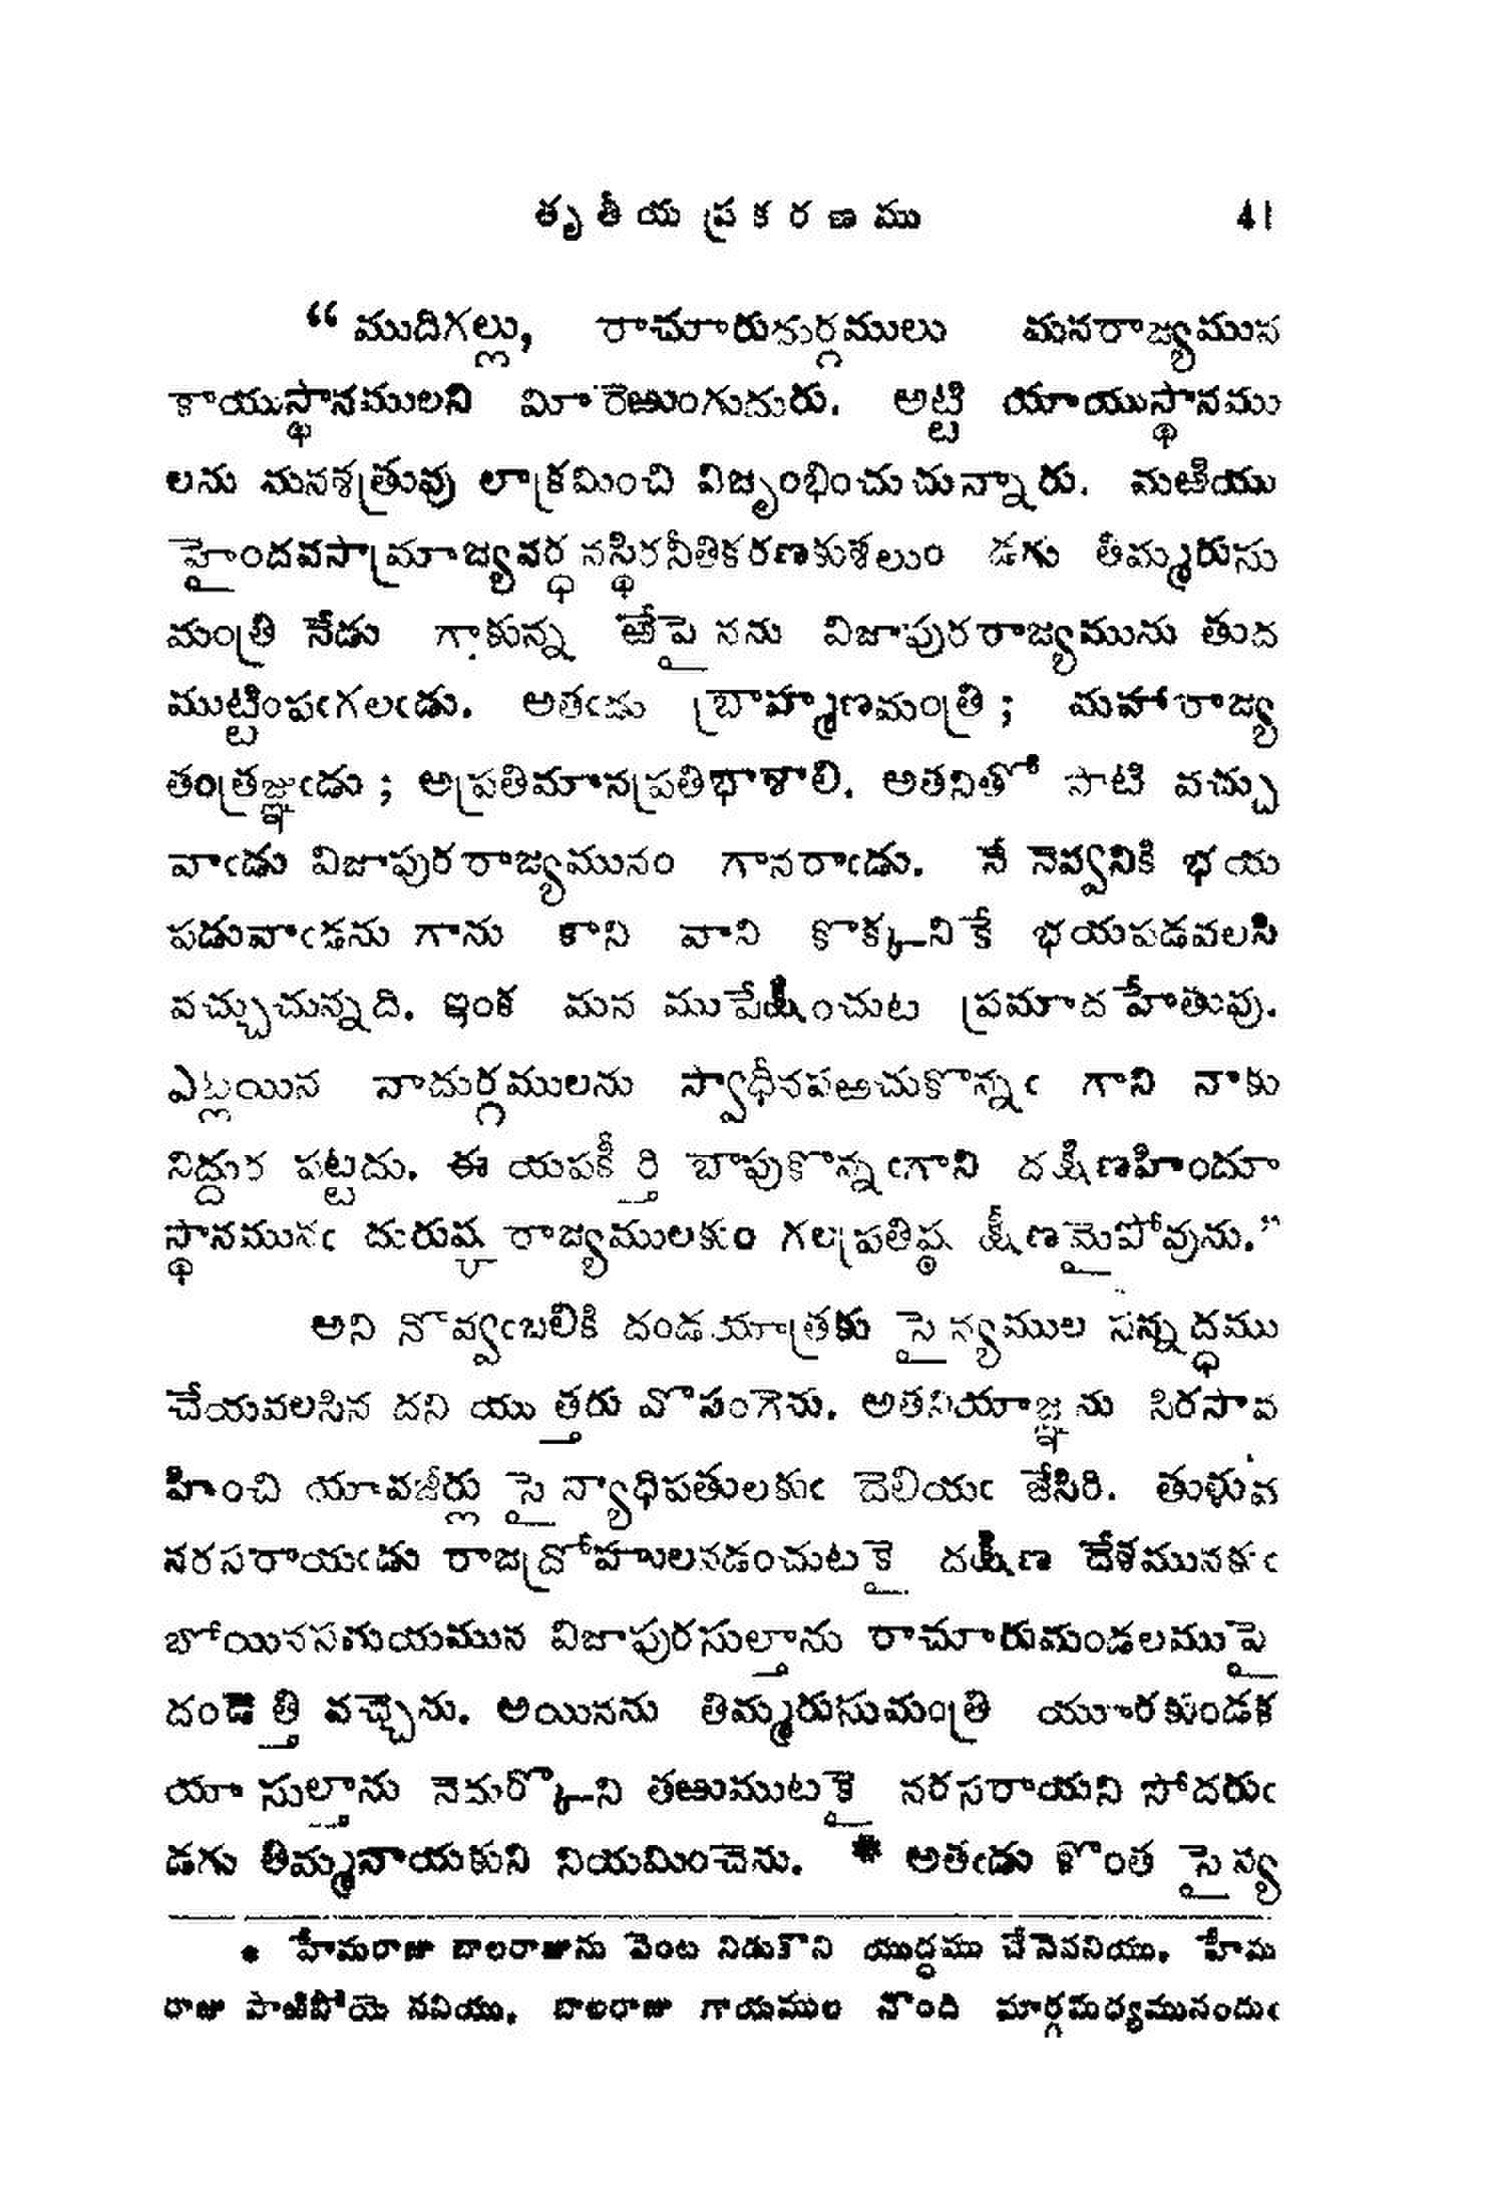"ముదిగల్లు, రాచూరుదుర్గములు మనరాజ్యమున కాయుస్థానములని మీరెఱుంగుదురు. అట్టి యాయుస్థానములను మనశత్రువు లాక్రమించి విజృంభించుచున్నారు. మఱియు
హైందవసామ్రాజ్యవర్ధ నస్థిరనీతికరణకుశలుం డగు తిమ్మరుసు మంత్రి నేడు గాకున్న ఱేపైనను విజాపురరాజ్యమును తుదముట్టింపఁగలడు. అతఁడు బ్రాహ్మణమంత్రి ; మహారాజ్యతంత్రజ్ఞుఁడు; అప్రతిమానప్రతిభాశాలి. అతనితో సాటి వచ్చువాఁడు విజాపురరాజ్యమునం గానరాఁడు. నే నెవ్వనికి భయపడువాఁడను గాను కాని వాని కొక్కనికే భయపడవలసి వచ్చుచున్నది. ఇంక మన ముపేక్షించుట ప్రమాదహేతువు. ఎట్లయిన నాదుర్గములను స్వాధీనపఱచుకొన్నఁ గాని నాకు నిద్దుర పట్టదు. ఈ యపకీర్తి బాపుకొన్నఁగాని దక్షిణహిందూస్థానమునఁ దురుష్క రాజ్యములకుం గలప్రతిష్ఠ, క్షీణమైపోవును."

అని నొవ్వఁబలికి దండయాత్రకు సైన్యముల సన్నదము చేయవలసిన దని యుత్తరు వొసంగెను. అతనియాజ్ఞను సిరసావహించి యూవజీర్లు సైన్యాధిపతులకుఁ దెలియఁ జేసిరి. తుళువ సరసరాయఁడు రాజద్రోహులనడంచుటకై దక్షిణ దేశమునకుఁ బోయినసమయమున విజాపురసుల్తాను రాచూరుమండలముపై దండెత్తి వచ్చెను. అయినను తిమ్మ రుసుమంత్రి యూరకుండక యా సుల్తాను నెదుర్కొని తఱుముటకై నరసరాయని సోదరుఁడగు తిమ్మనాయకుని నియమించెను. అతఁడు కొంత సైన్య